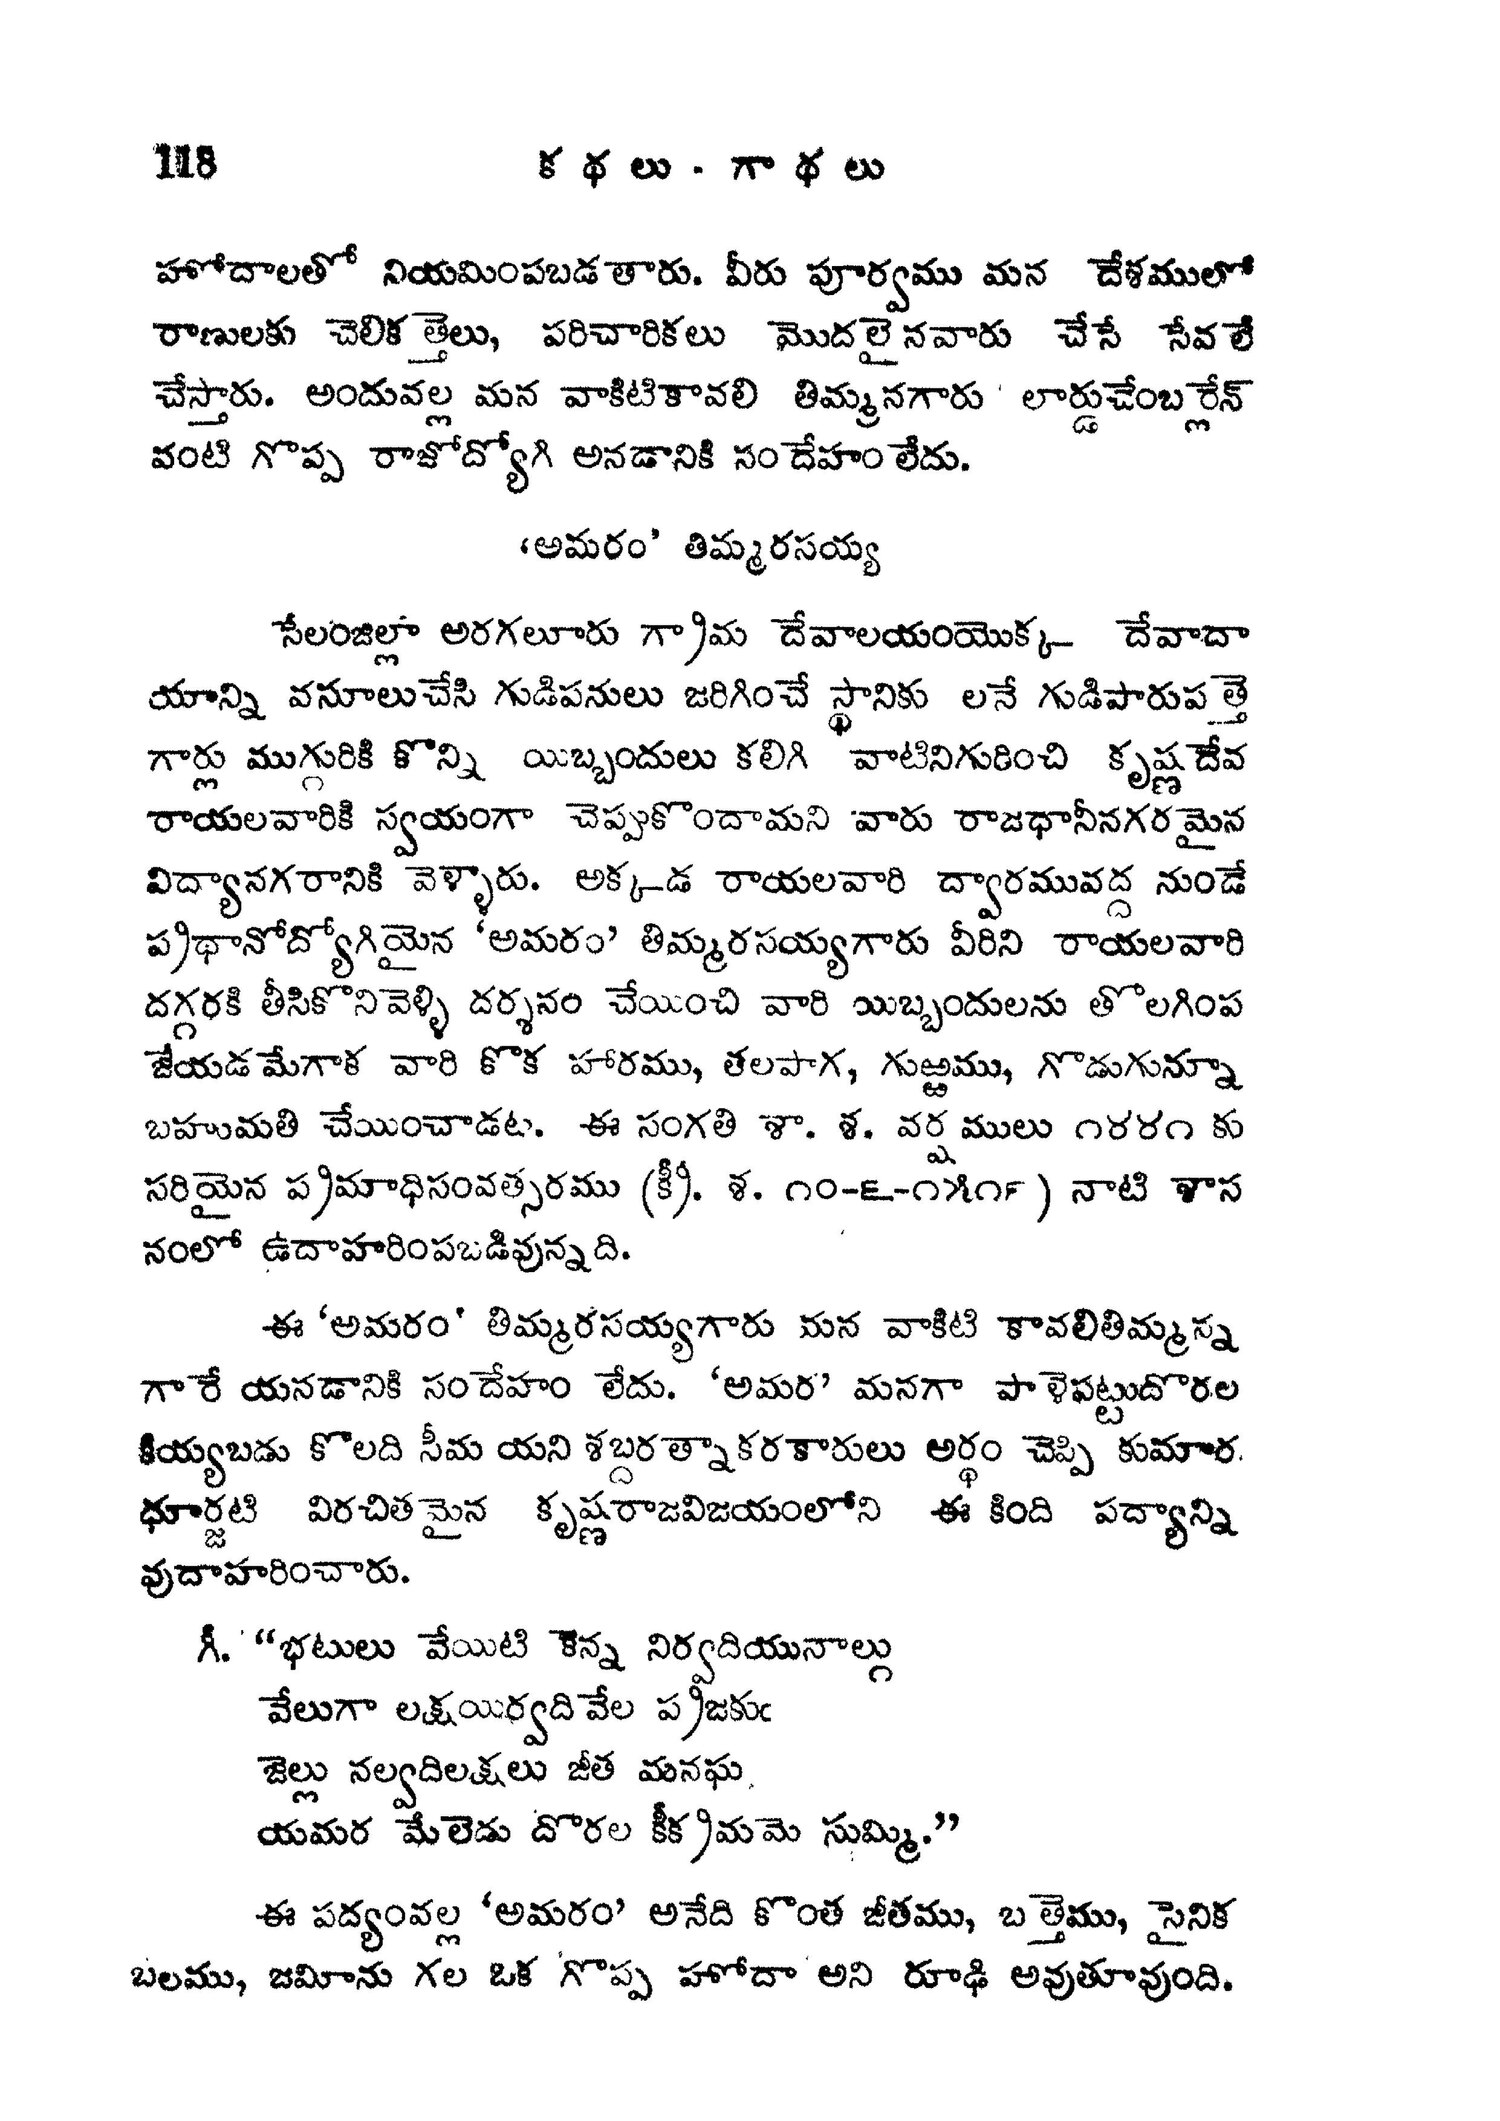హోదాలతో నియమింపబడతారు. వీరు పూర్వము మన దేశములో రాణులకు చెలికత్తెలు, పరిచారికలు మొదలైనవారు చేసే సేవలే చేస్తారు. అందువల్ల మన వాకిటికావలి తిమ్మన గారు లార్డుచేంబర్లేను వంటి గొప్ప రాజోద్యోగి అవడానికి సందేహంలేదు.

సేలంజిల్లా అరగలూరు గ్రామ దేవాలయంయొక్క దేవాదాయాన్ని వసూలు చేసి గుడిపనులు జరిగించే స్థానికు లనే గుడిపారుపత్తెగార్లు ముగ్గురికి కొన్ని యిబ్బందులు కలిగి వాటినిగురించి కృష్ణదేవరాయలవారికి స్వయంగా చెప్పుకొందామని వారు రాజధానీనగరమైన విద్యానగరానికి వెళ్ళారు. అక్కడ రాయలవారి ద్వారమువద్ద నుండే ప్రధానోద్యోగియైన 'అమరం ' తిమ్మరసయ్య గారు వీరిని రాయలవారి దగ్గరికి తీసికొనివెళ్ళి దర్శనం చేయించి వారి యిబ్బందు లను తొలగింప జేయడమేగాక వారి కొక హారము, తలపాగ, గుఱ్ఱము, గొడుగున్నూ బహుమతి చేయించాడట. ఈ సంగతి శా.శ. వర్షమ్లు 1441 కు సరియ్హైన ప్రమాధిసంవత్సరము (క్రీ.శ. 10-6-1519) నాటి శాసనంలో ఉదాహరింపబడివున్నది.

ఈ 'అమరం 'తిమ్మరసయ్యగారు మన వాకిటి కావలితిమ్మన్న గారే యనడానికి సందేహం లేదు. 'అమర ' మనగ పాళెపట్టుదొరల కియ్యబడు కొలది సీమ యని శబ్దరత్నాకరకారులు అర్ధం చెప్పి కుమార ధూర్జటి విరచితమైన కృష్ణరాజవిజయంలోని ఈ క్రింది పద్యాన్ని వుదాహరించారు.

గీ. "భటులు వేయిటి కెన్న నిర్వదియునాల్గు
 వేలుగా లక్షయిర్వదివేల ప్రజకు
 జెల్లు నల్వదిలక్షలు జీత మనఘ
 యమర మేలెడు దొరల కీక్రమము సుమ్మి."

ఈ పద్యంవల్ల 'అమరం ' అనేది కొంత జీతం, బత్తెము, సైనిక బలము, జమీను గల ఒక గొప్ప హోదా అని రూఢి అవుతూవుంది.